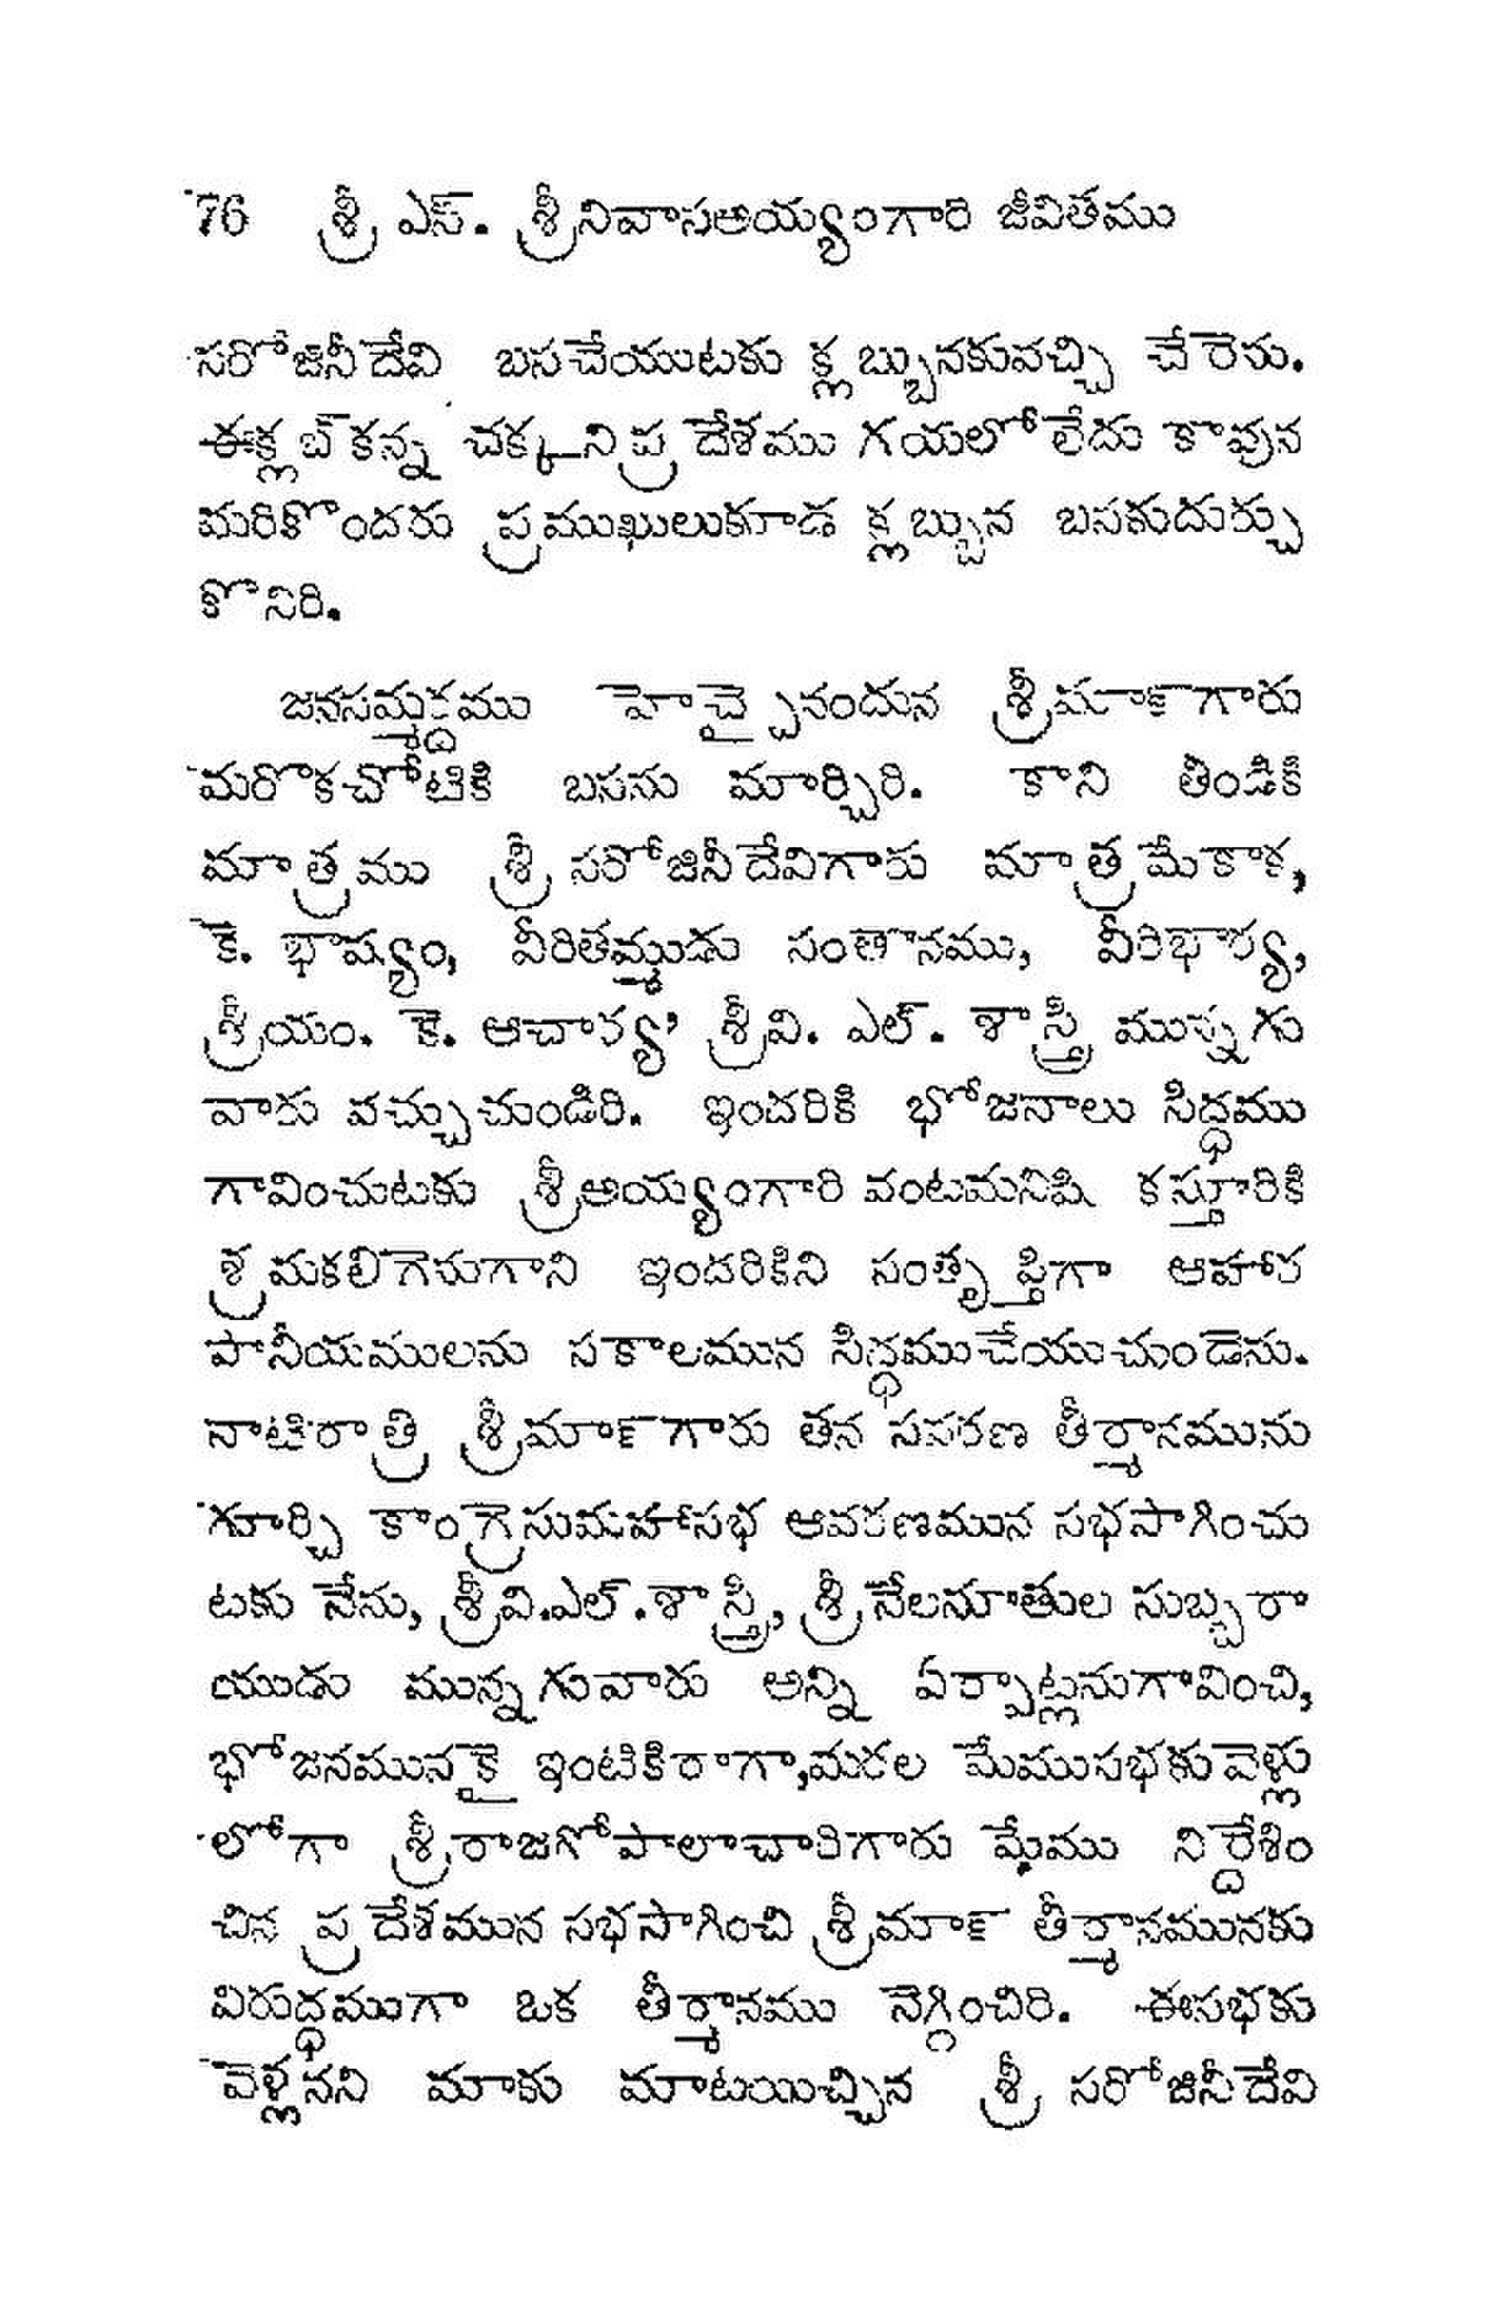సరోజినీదేవి బసచేయుటకు క్లబ్బునకువచ్చి చేరెను. ఈక్లబ్‌కన్న చక్కనిప్రదేశము గయలోలేదు కావున మరికొందరు ప్రముఖులుకూడ క్లబ్బున బసకుదుర్చుకొనిరి. 

జనసమ్మర్దము హెచ్చైనందున శ్రీమా౯గారు మరొకచోటికి బసను మార్చిరి. కాని తిండికి మాత్రము శ్రీ సరోజినీదేవిగారు మాత్రమేకాక, కె. భాష్యం, వీరితమ్ముడు సంతానము, వీరిభార్య, శ్రీ యం. కె. ఆచార్య, శ్రీ వి. ఎల్. శాస్త్రి మున్నగువారు వచ్చుచుండిరి. ఇందరికి భోజనాలు సిద్ధము గావించుటకు శ్రీఅయ్యంగారి వంటమనిషి. కస్తూరికి శ్రమకలిగెనుగాని ఇందరికిని సంతృప్తిగా ఆహార పానీయములను సకాలమున సిద్ధముచేయుచుండెను. నాటిరాత్రి శ్రీమా౯గారు తన సవరణ తీర్మానమును గూర్చి కాంగ్రెసుమహాసభ ఆవరణమున సభసాగించుటకు నేను, శ్రీ వి.ఎల్.శాస్త్రి, శ్రీ నేలనూతుల సుబ్బరాయుడు మున్నగువారు అన్ని ఏర్పాట్లనుగావించి, భోజనమునకై ఇంటికిరాగా, మరల మేముసభకువెళ్లులోగా శ్రీ రాజగోపాలాచారిగారు మేము నిర్దేశించిన ప్రదేశమున సభసాగించి శ్రీమా౯ తీర్మానమునకు విరుద్దముగా ఒక తీర్మానము నెగ్గించిరి. ఈసభకు వెళ్లనని మాకు మాటయిచ్చిన శ్రీ సరోజినీదేవి